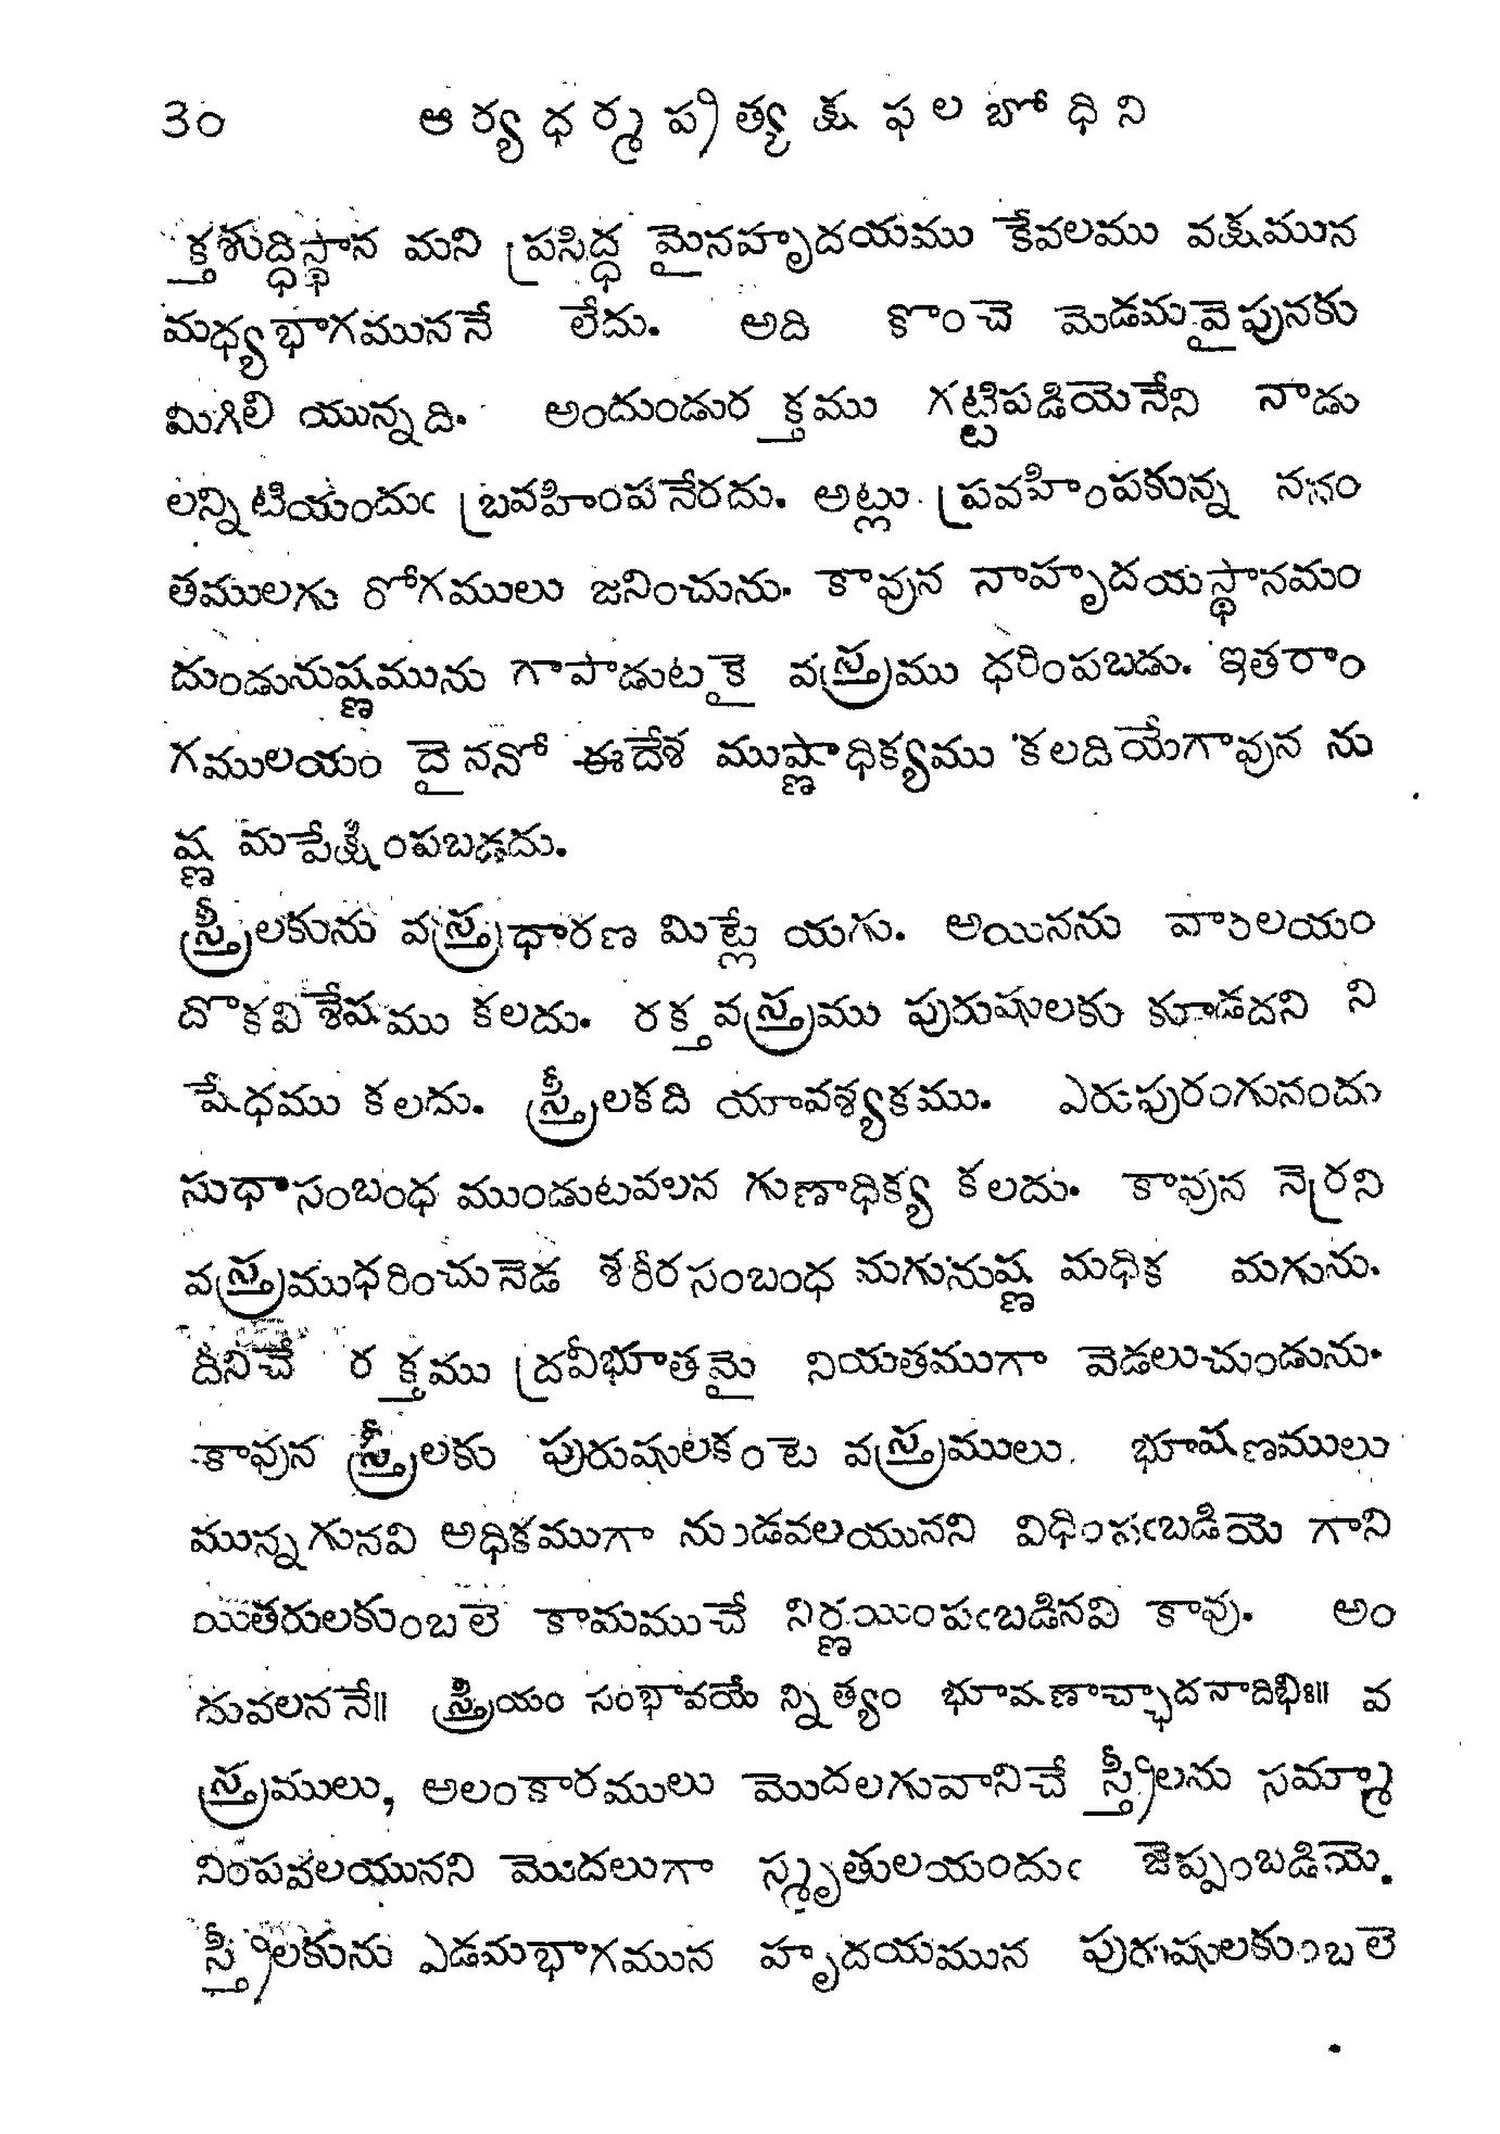క్తశుద్ధిస్థాన మని ప్రసిద్ధ మైనహృదయము కేవలము వక్షమున మధ్యభాగముననే లేదు. అది కొంచె మెడమవైపునకు మిగిలి యున్నది. అందుండురక్తము గట్టిపడియెనేని నాడులన్నిటియందుఁ బ్రవహింపనేరదు. అట్లు ప్రవహింపకున్న ననంతములగు రోగములు జనించును. కావున నాహృదయస్థానమందుండునుష్ణమును గాపాడుటకై వస్త్రము ధరింపబడు. ఇతరాంగములయం దైననో ఈదేశ ముష్ణాధిక్యము కలదియేగావున నుష్ణ మపేక్షింపబడదు.

స్త్రీలకును వస్త్రధారణ మిట్లే యగు. అయినను వారలయందొకవిశేషము కలదు. రక్తవస్త్రము పురుషులకు కూడదని నిషేధము కలదు. స్త్రీలకది యావశ్యకము. ఎరుపురంగునందు సుధాసంబంధ ముండుటవలన గుణాధిక్య కలదు. కావున నెర్రని వస్త్రముధరించునెడ శరీరసంబంధ మగునుష్ణ మధిక మగును. దీనిచే రక్తము ద్రవీభూతమై నియతముగా వెడలుచుండును. కావున స్త్రీలకు పురుషులకంటె వస్త్రములు, భూషణములు మున్నగునవి అధికముగా నుండవలయునని విధింపఁబడియె గాని యితరులకుంబలె కామముచే నిర్ణయింపఁబడినవి కావు. అందుదువలననే॥ స్త్రీయం సంభావయే న్నిత్యం భూషణాచ్ఛాదనాదిభిః॥ వస్త్రములు, అలంకారములు మొదలగువానిచే స్త్రీలను సమ్మానింపవలయునని మొదలుగా స్మృతులయందుఁ జెప్పంబడియె. స్త్రీలకును ఎడమభాగమున హృదయమున పురుషులకుంబలె